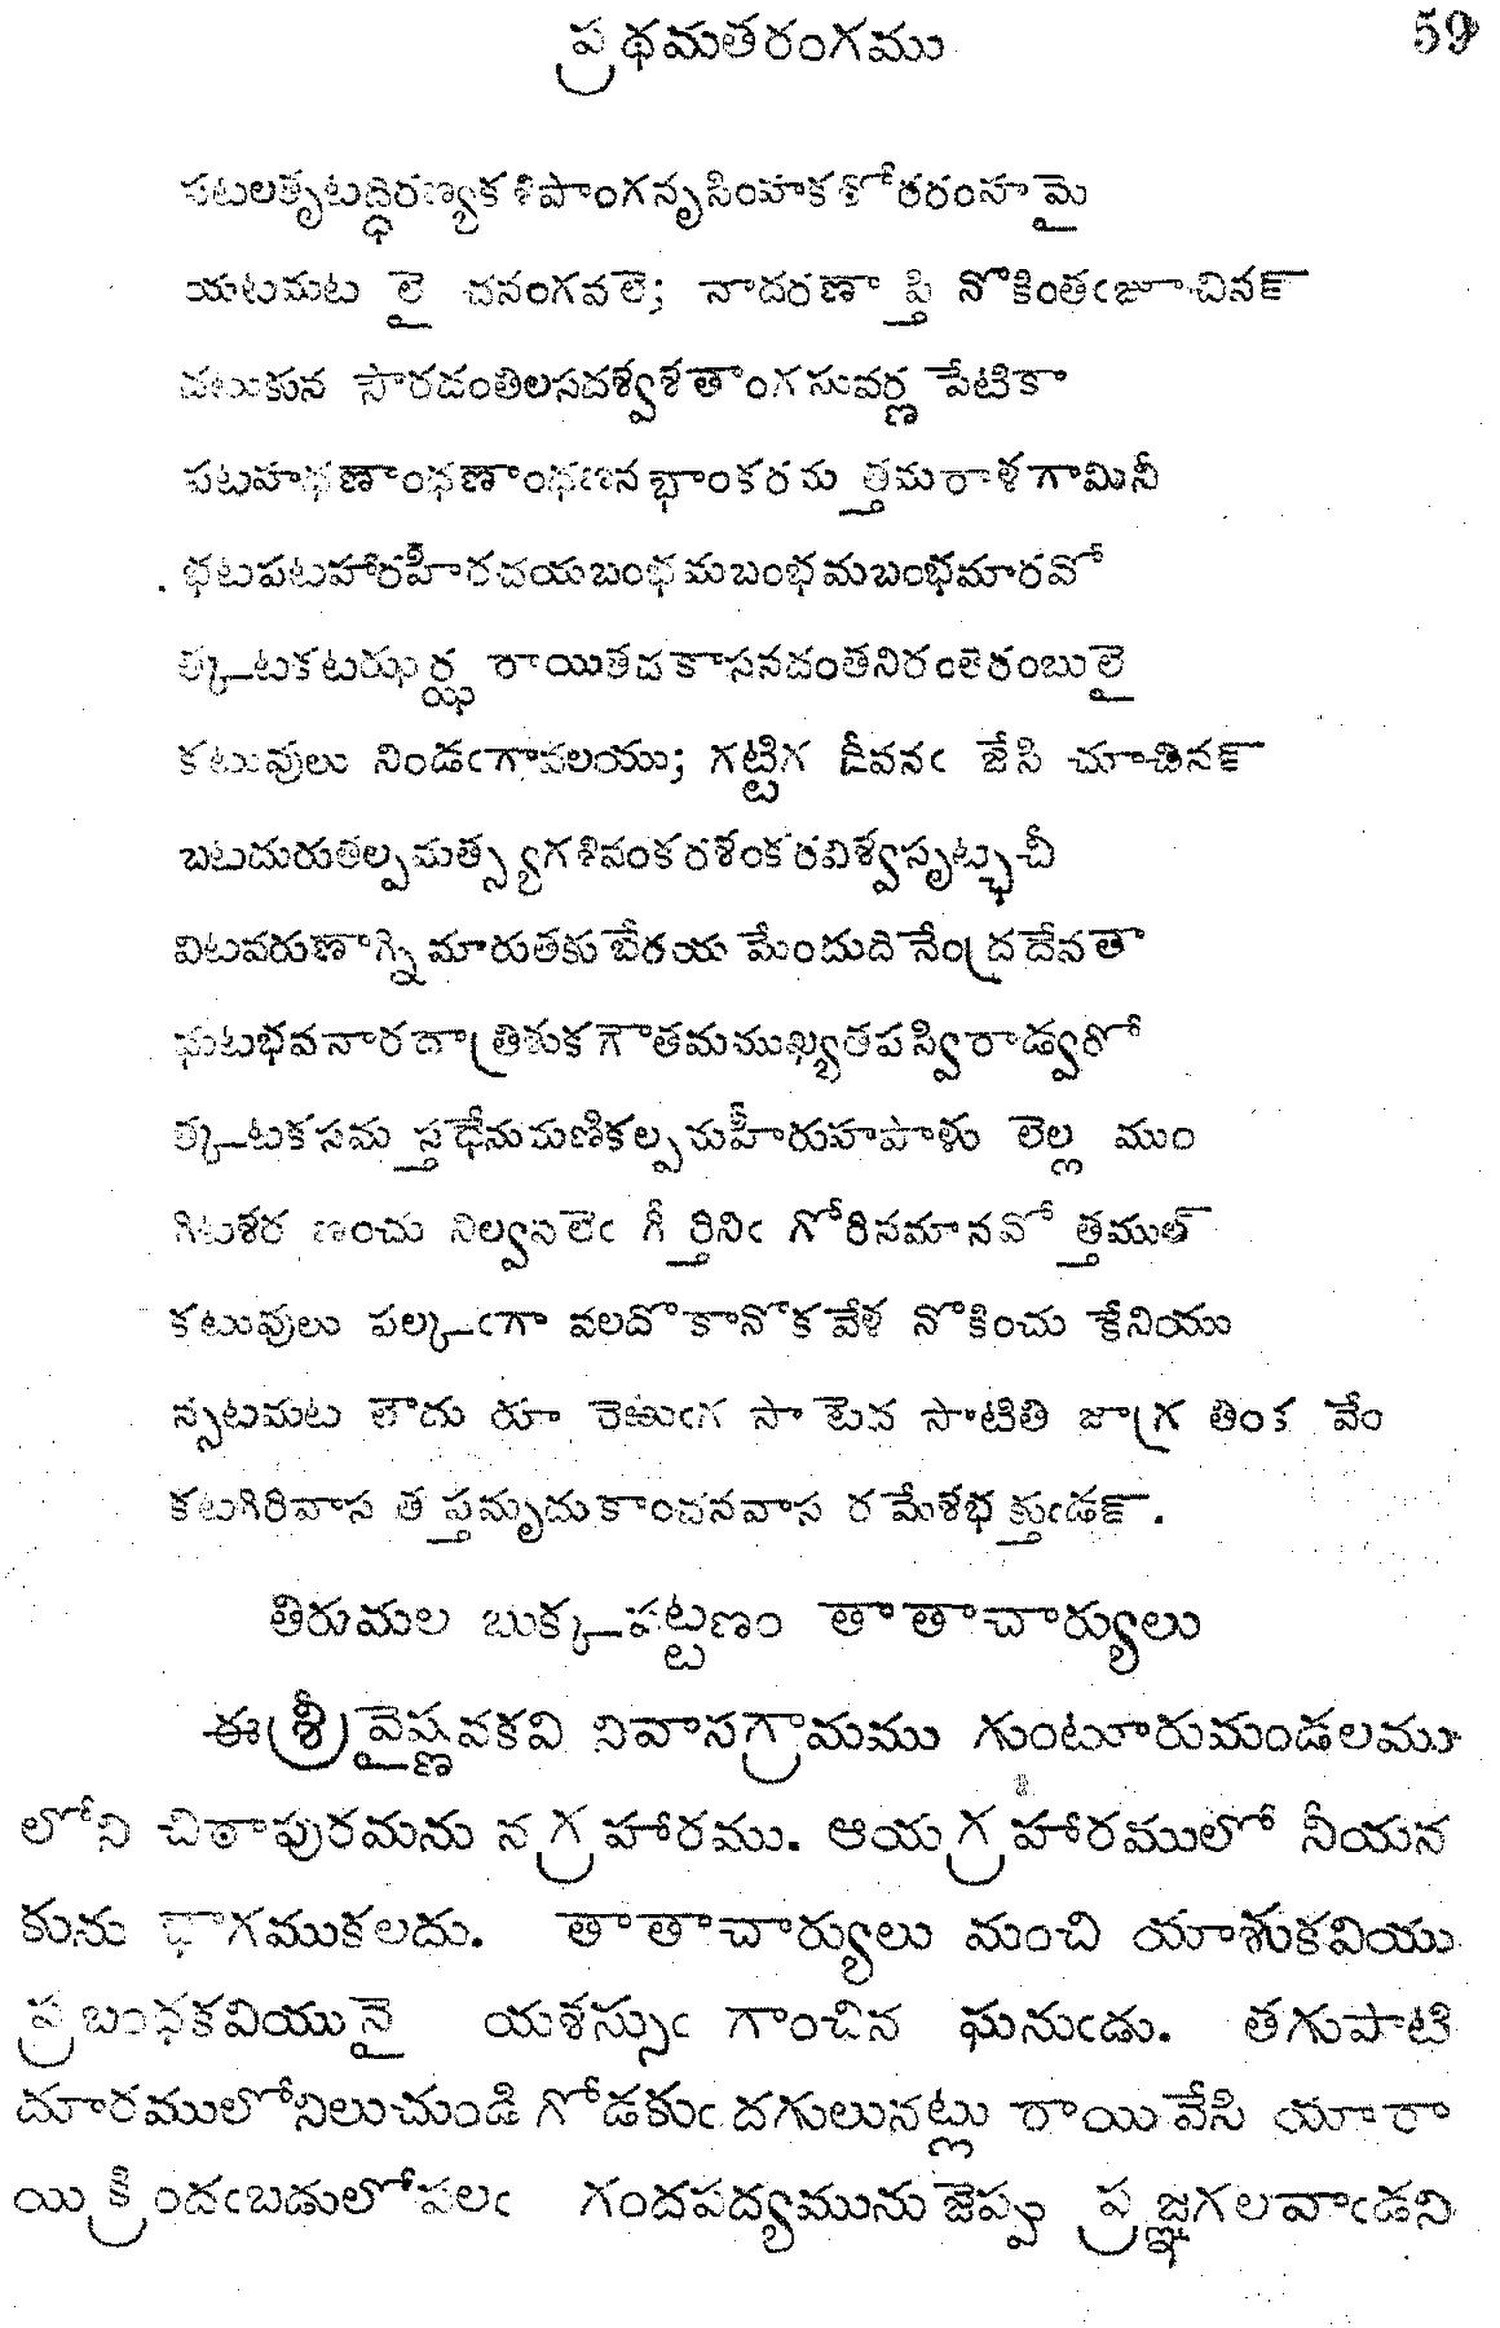పటలతృటద్ధరణ్యకశిపాంగనృసింహకఠోరరంహమై
 యటమట లై చనంగవలె; నాదరణాప్తి నొకింతఁ జూచినన్
 చటుకున సౌరదంతిలసదశ్వశతాంగసువర్ణపేటికా
 పటహధణాంధణాంధణనభాంకరమత్తమరాళగామినీ
 భటపటహారహీరచటబంభమబంభమబంభమారవో
 త్కటకటఝర్ఝరాయితచకాసనదంతనిరంతరంబులై
 కటువులు నిండఁగావలయు; గట్టిగ దీవనఁ జేసి చూచినన్
 బటదురుతల్పమత్స్యగశివంకరశంకరవిశ్వసృట్ఛచీ
 విటవరుణాగ్రమారుతకుబేరయమేందుదినేంద్రదేవతా
 ఘటభవనారదాత్రిశుకగౌతమముఖ్యతపస్విరాడ్వరో
 త్కటకసమస్తధేనుమణికల్పమహీరుహపాళు లెల్ల ముం
 గిటశర ణంచు నిల్వవలెఁ గీర్తినిఁ గోరిన మానవోత్తముల్
 కటువులు పల్కఁగా వలదొ కానొకవేళ నొకించు కేనియు
 న్సటమట లౌదు రూ రెఱుఁగ సాటెద సాటితి జాగ్ర తింక వేం
 కటగిరివాస తప్తమృదుకాంచనవాస రమేశభక్తుఁడన్.

ఈశ్రీవైష్ణవకవి నివాసగ్రామము గుంటూరుమండలములోని చిఠాపురమను నగ్రహారము. ఆయగ్రహారములో నీయనకును భాగము కలదు. తాతాచార్యులు మంచి యాశుకవియు ప్రబంధకవియునై యశస్సుఁ గాంచిన ఘనుఁడు. తగుపాటిదూరములో నిలుచుండి గోడకుఁ దగులునట్లు రాయివేసి యారాయి క్రిందఁబడులోపలఁ గందపద్యమును జెప్పు ప్రజ్ఞగలవాఁడని